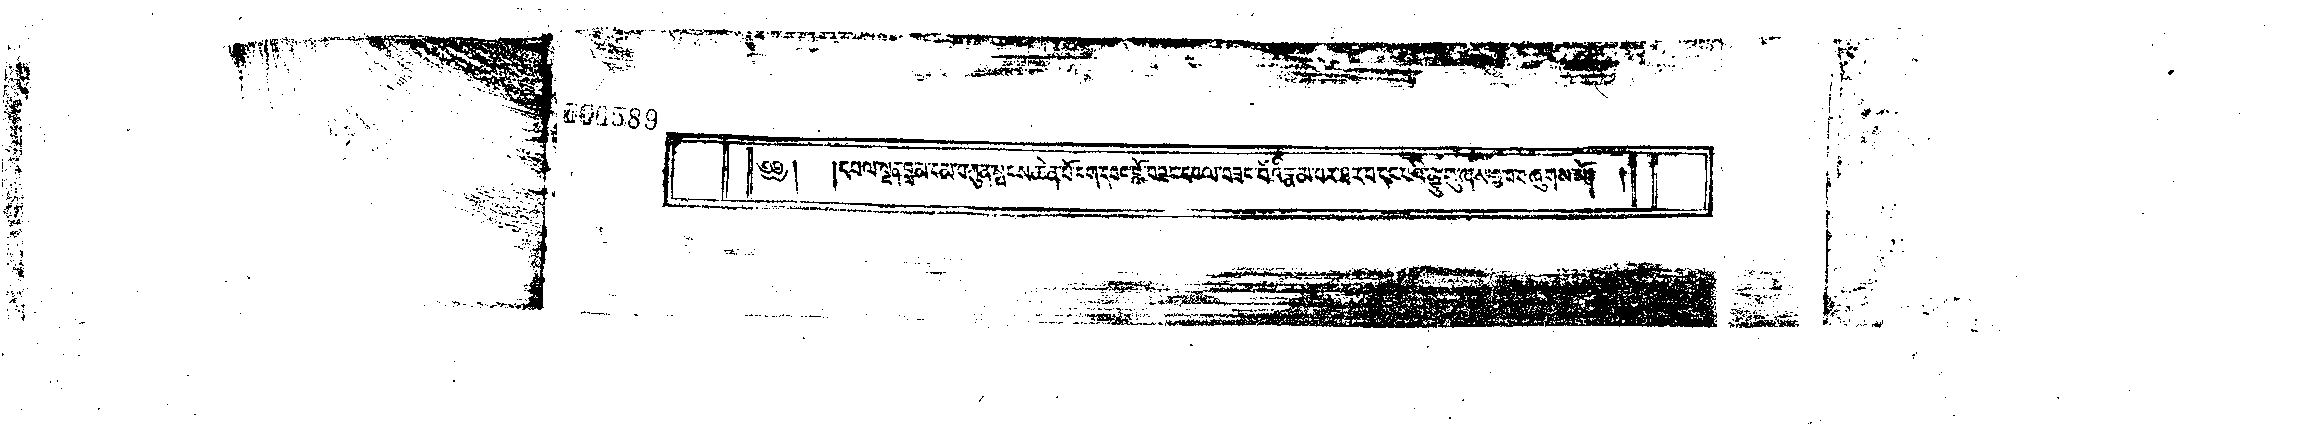༄༅། །དཔལ་ལྡན་བླ་མ་དམ་པ་ཀུན་སྤངས་ཆེན་པོ་ངག་དབང་བློ་བཟང་དཔལ་བཟང་པོའི་རྣམ་པར་ཐར་པ་དད་པའི་མྱུ་གུ་ཞེས་བྱ་བ་བཞུགས་སོ། །